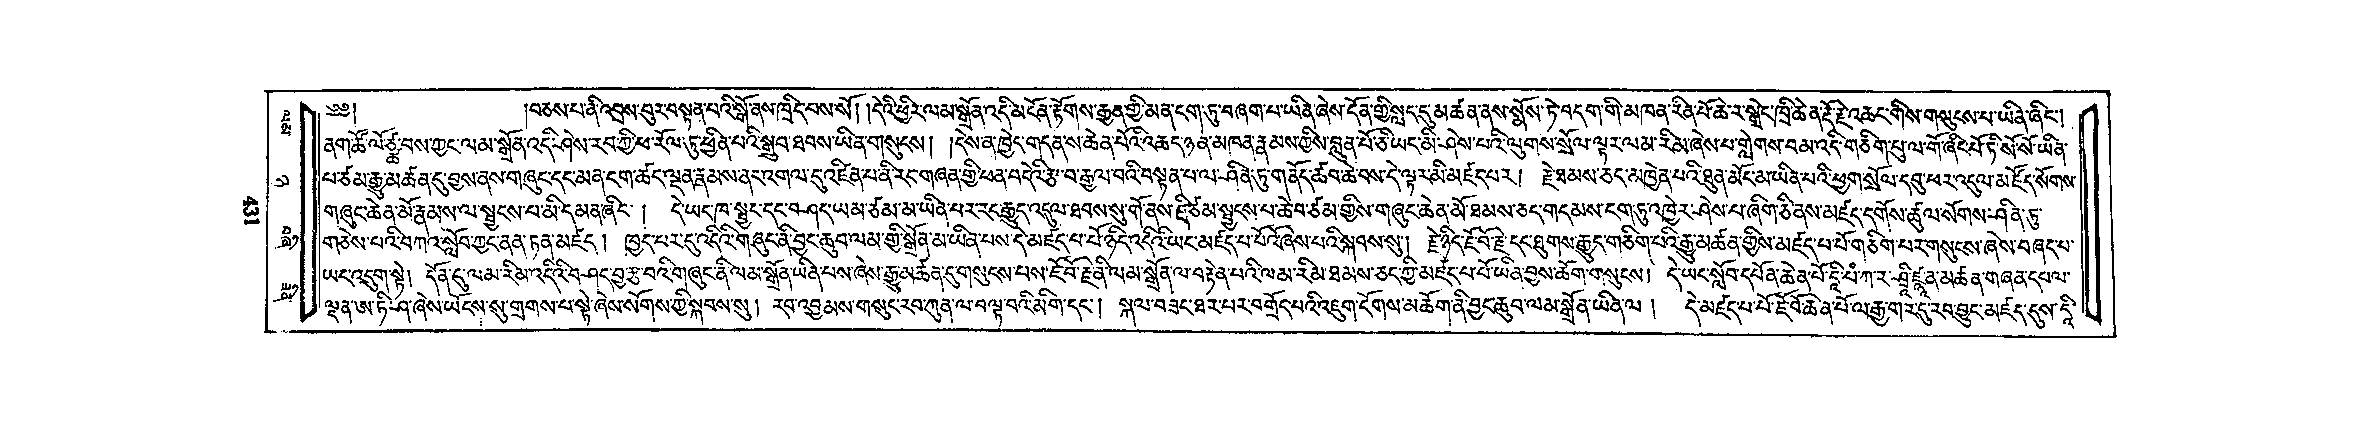༄༅། །བཅས་པ་ནི་འབྲས་བུར་བསྟན་པའི་སྒོ་ནས་ཁྲིད་པས་སོ། །དེའི་ཕྱིར་ལམ་སྒྲོན་འདི་མངོན་རྟོགས་རྒྱན་གྱི་མན་ངག་ཏུ་བཞག་པ་ཡིན་ཞེས་དོན་གྱི་སླད་དུ་མཚན་ནས་སྨོས་ཏེ་བདག་གི་མཁན་རིན་པོ་ཆེ་ར་སྒྲེང་ཁྲི་ཆེན་རྡོ་རྗེ་འཆང་གིས་གསུངས་པ་ཡིན་ཞིང་།
ནག་ཚོ་ལོ་ཙཚ་བས་ཀྱང་ལམ་སྒྲོན་འདི་ཤེས་རབ་ཀྱི་ཕ་རོལ་ཏུ་ཕྱིན་པའི་སྒྲུབ་ཐབས་ཡིན་གསུངས། །དེས་ན་ཁྱེད་གདན་ས་ཆེན་པོའི་འཆད་ཉན་མཁན་རྣམས་ཀྱིས་བླུན་པོ་ཅི་ཡང་མི་ཤེས་པའི་ལུགས་སྲོལ་ལྟར་ལམ་རིམ་ཞེས་པ་གླེགས་བམ་འདི་གཅིག་པུ་ལ་གོ་ཞིང་པོ་ཏི་སོ་སོ་ཡིན་
པ་ཙམ་རྒྱུ་མཚན་དུ་བྱས་ནས་གཞུང་དང་མན་ངག་ཚད་ལྡན་རྣམས་ནང་འགལ་དུ་འཛིན་པ་ནི་རང་གཞན་གྱི་ཕན་བདེའི་རྩ་བ་རྒྱལ་བའི་བསྟན་པ་ལ་ཤིན་ཏུ་གནོད་ཚབ་ཆེ་བས་དེ་ལྟར་མི་མཛད་པར། རྗེ་ཐམས་ཅད་མཁྱེན་པའི་ཐུན་མོང་མ་ཡིན་པའི་ཕྱག་སྲོལ་དབུ་ཕར་འདུལ་མཛོད་སོགས་
གཞུང་ཆེན་མོ་རྣམས་ལ་སྦྱངས་པ་མི་དམན་ཞིང་། དེ་ཡང་ཁ་སྦྱང་དང་བཤད་ཡམ་ཙམ་མ་ཡིན་པར་རང་རྒྱུད་འདུལ་ཐབས་སུ་གོ་ནས་ཇི་ཙམ་སྦྱངས་པ་ཆེ་བ་ཙམ་གྱིས་གཞུང་ཆེན་མོ་ཐམས་ཅད་གདམས་ངག་ཏུ་འཁྱེར་ཤེས་པ་ཞིག་ཅི་ནས་མཛད་དགོས་ཚུལ་སོགས་ཤིན་ཏུ་
གཅེས་པའི་བཀའ་སློབ་ཀྱང་ནན་ཏན་མཛད། ཁྱད་པར་དུ་འདིའི་གཞུང་ནི་བྱང་ཆུབ་ལམ་གྱི་སྒྲོན་མ་ཡིན་པས་དེ་མཛད་པ་པོ་ཉིད་འདིའི་ཡང་མཛད་པ་པོའོ་ཞེས་པའི་སྐབས་སུ། རྗེ་ཉིད་ཇོ་བོ་རྗེ་དང་ཐུགས་རྒྱུད་གཅིག་པའི་རྒྱུ་མཚན་གྱིས་མཛད་པ་པོ་གཅིག་པར་གསུངས་ཞེས་བཞད་པ་
ཡང་འདུག་སྟེ། དོན་དུ་ལམ་རིམ་འདིའི་བཤད་བྱ་རྩ་བའི་གཞུང་ནི་ལམ་སྒྲོན་ཡིན་པས་ཞེས་རྒྱུ་མཚན་དུ་གསུངས་པས་ཇོ་བོ་རྗེ་ནི་ལམ་སྒྲོན་ལ་བརྟེན་པའི་ལམ་རིམ་ཐམས་ཅད་ཀྱི་མཛད་པ་པོ་ཡིན་བྱས་ཆོག་གསུངས། དེ་ཡང་སློབ་དཔོན་ཆེན་པོ་དཱི་པཾ་ཀ་ར་ཤྲཱི་ཛྙཱ་ན་མཚན་གཞན་དཔལ་
ལྡན་ཨ་ཏི་ཤ་ཞེས་ཡོངས་སུ་གྲགས་པ་སྟེ་ཞེས་སོགས་ཀྱི་སྐབས་སུ། རབ་འབྱམས་གསུང་རབ་ཀུན་ལ་བལྟ་བའི་མིག་དང་། སྐལ་བཟང་ཐར་པར་བགྲོད་པའི་འཇུག་ངོགས་མཆོག་ནི་བྱང་ཆུབ་ལམ་སྒྲོན་ཡིན་ལ། དེ་མཛད་པ་པོ་ཇོ་བོ་ཆེན་པོ་ལ་རྒྱ་གར་དུ་རབ་བྱུང་མཛད་དུས་དཱི་